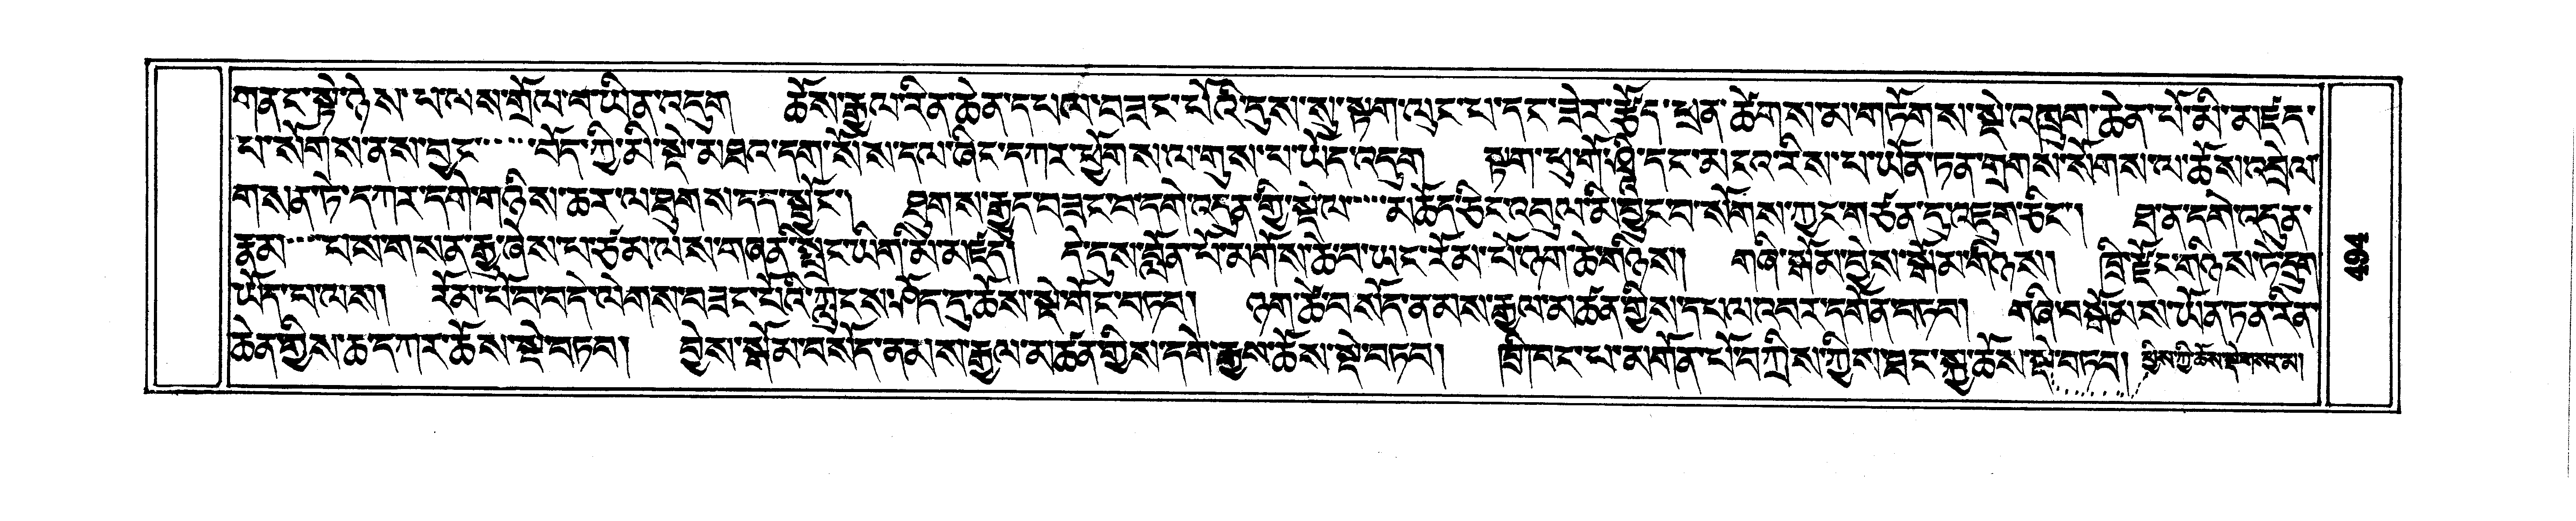གནང་སྟེ་ཉེས་པ་ལས་གྲོལ་བ་ཡིན་འདུག་ཆོས་རྒྱལ་རིན་ཆེན་དཔལ་བཟང་པོའི་དུས་སུ་སྟག་ལུང་པ་དང་ཟེར་རྩོད་ཕྲན་ཚེགས་མ་གཏོགས་སྡེ་འཁྲུག་ཆེན་པོ་མི་མཛད་
པ་སོགས་ནས་བྱང་བོད་ཀྱི་མི་སྡེ་མཐའ་དག་སོས་དལ་ཞིང་དཀར་ཕྱོགས་ལ་གུས་པ་ཡོད་འདུག་སྟག་ཕུ་གོ་ཤྲཱི་དང་མངའ་རིས་པ་ཡོན་ཏན་གྲགས་སོགས་ལ་ཆོས་འབྲེལ་
གསན་ཏེ་དཀར་དགེ་གཉིས་ཆར་ལ་ཐུགས་དད་སྦྱོང་། ཐུགས་རྒྱུད་བཟང་བ་དགེ་འདུན་གྱི་སྡེ་ལ་མཆོད་ཅིང་འབུལ་མི་བྱུང་བ་སོགས་ཀྱང་གཙན་དུ་འཇུག་ཅིང་། ཐ་ན་དགེ་འདུན་
རྣམ་པས་གསན་རྒྱུ་ཞེས་པ་ཙམ་ལས་གཞན་སྤྲིང་ཡིག་མི་མཛད། དེ་དུས་བློན་པོ་མགོས་ཆེ་བ་ཡང་རོམ་པོ་ཉག་ཆེ་གཉིས། གཞི་སྒོམ་བྱེས་སྒོམ་གཉིས། ཁྲི་རྫོང་གཉིས་ཏེ་དྲུག་
ཡོད་པ་ལས། རོམ་པོ་བ་བདེ་ལེགས་བཟང་པོའི་ཀླུངས་ཤོད་དུ་ཆོས་སྡེ་གོང་བཏབ། ཉག་ཚེ་བསོད་ནམས་རྒྱལ་མཚན་གྱིས་དཔལ་འབར་དགོན་བཏབ། གཞི་བསྒོམས་ཡོན་ཏན་རིན་
ཆེན་གྱིས་ཆ་དཀར་ཆོས་སྡེ་བཏབ། བྱེས་སྒོམ་བསོད་ནམས་རྒྱལ་མཚན་གྱིས་དགེ་རྒྱས་ཆོས་སྡེ་བཏབ། ཁྲི་ཁང་པ་མགོན་པོ་བཀྲིས་ཀྱིས་ཐང་སྐྱ་ཆོས་སྡེ་བཏབ། ཕྱིས་ཀྱི་ཆོས་སྡེ་གསར་མ།